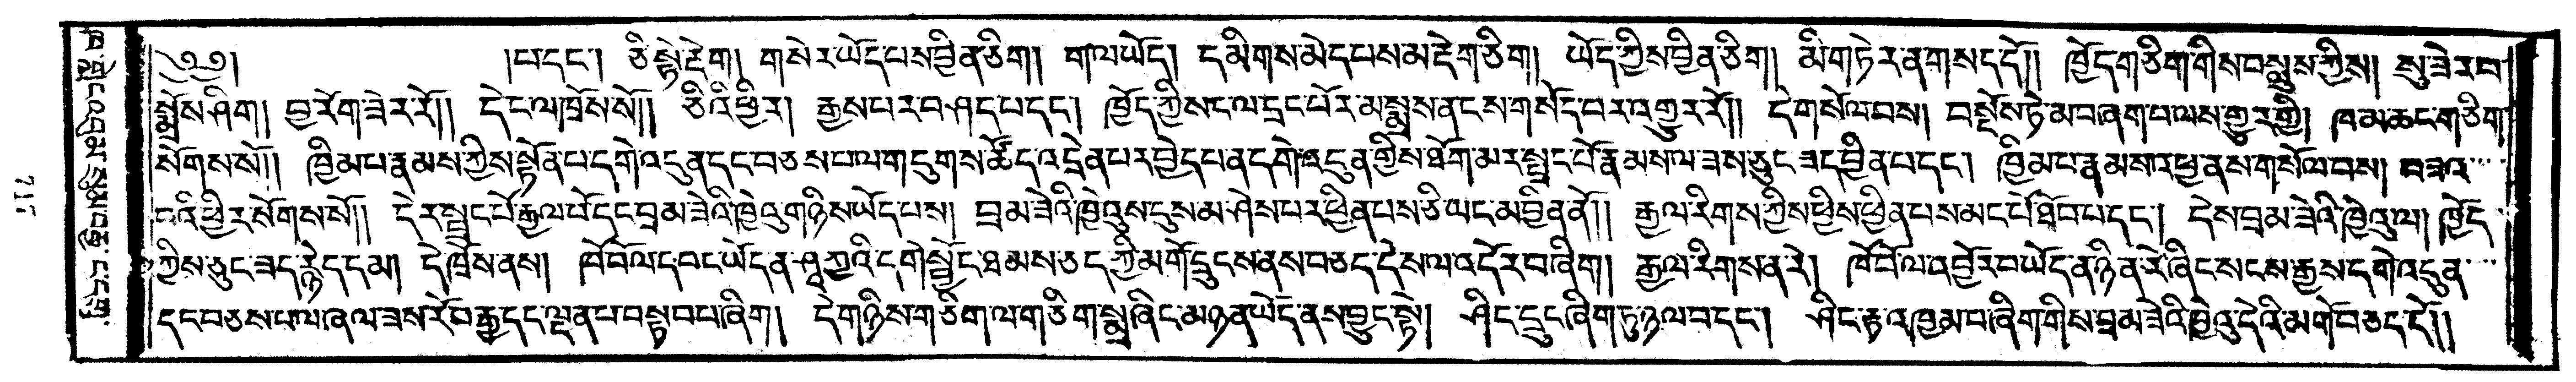༄༅། །པ་དང་། ཅི་སྟེ་རྡེག། གསེར་ཡོད་པས་བྱིན་ཅིག། ག་ལ་ཡོད། དམིགས་མེད་པས་མ་རྡེག་ཅིག། ཡོད་ཀྱིས་བྱིན་ཅིག། མི་གཏེར་ན་གསད་དོ།། ཁྱོད་གཅིག་གིས་བསླུས་ཀྱིས། སུ་ཟེར་བ་
སྨྲོས་ཤིག། བྱ་རོག་ཟེར་རོ།། དེ་ང་ལ་ཁྲོས་སོ།། ཅིའི་ཕྱིར། རྒྱས་པར་བཤད་པ་དང་། ཁྱོད་ཀྱིས་ང་ལ་དྲང་པོར་མ་སྨྲས་ན་ངས་གསོད་པར་འགྱུར་རོ།། དེ་གསོལ་བས། བསྔོས་ཏེ་མ་བཞག་པ་ལས་གྱུར་གྱི། ཁམ་ཆང་གཅིག་
སོགས་སོ།། ཁྱིམ་པ་རྣམས་ཀྱིས་སྟོན་པ་དགེ་འདུན་དང་བཅས་པ་ལ་གདུགས་ཚོད་འདྲེན་པར་བྱེད་པ་ན་དགེ་འདུན་གྱིས་ཐོག་མར་སྤྲང་པོ་རྣམས་ལ་ཟས་ཅུང་ཟད་བྱིན་པ་དང་། ཁྱིམ་པ་རྣམས་འཕྱ་ནས་གསོལ་བས། བཟའ་
བའི་ཕྱིར་སོགས་སོ།། དེར་སྤྲང་པོ་རྒྱལ་པོ་དང་བྲམ་ཟེའི་ཁྱེའུ་གཉིས་ཡོད་པས། བྲམ་ཟེའི་ཁྱེའུ་ས་དུས་མ་ཤེས་པར་ཕྱིན་པས་ཅི་ཡང་མ་བྱིན་ནོ།། རྒྱལ་རིགས་ཀྱིས་ཕྱིས་ཕྱིན་པས་མང་པོ་ཐོབ་པ་དང་། དེས་བྲམ་ཟེའི་ཁྱེའུ་ལ། ཁྱོད་
ཀྱིས་ཅུང་ཟད་རྙེད་དམ། དེ་ཁྲོས་ནས། ཁོ་བོ་ལ་དབང་ཡོད་ན་ཤཱཀྱའི་དགེ་སྦྱོང་ཐམས་ཅད་ཀྱི་མགོ་དྲུངས་ནས་བཅད་དེ་ས་ལ་འདོར་བ་ཞིག། རྒྱལ་རིགས་ན་རེ། ཁོ་བོ་ལ་འབྱོར་པ་ཡོད་ན་ཉིན་རེ་ཞིང་སངས་རྒྱས་དགེ་འདུན་
དང་བཅས་པ་ལ་ཞལ་ཟས་རོ་བརྒྱ་དང་ལྡན་པ་བསྟབ་པ་ཞིག། དེ་གཉིས་གཅིག་ལ་གཅིག་སྨྲ་ཞིང་མཉན་ཡོད་ནས་བྱུང་སྟེ། ཤིང་དྲུང་ཞིག་ཏུ་ཉལ་བ་དང་། ཤིང་རྟ་འཁྱམ་པ་ཞིག་གིས་བྲམ་ཟེའི་ཁྱེའུ་དེའི་མགོ་བཅད་དོ།།